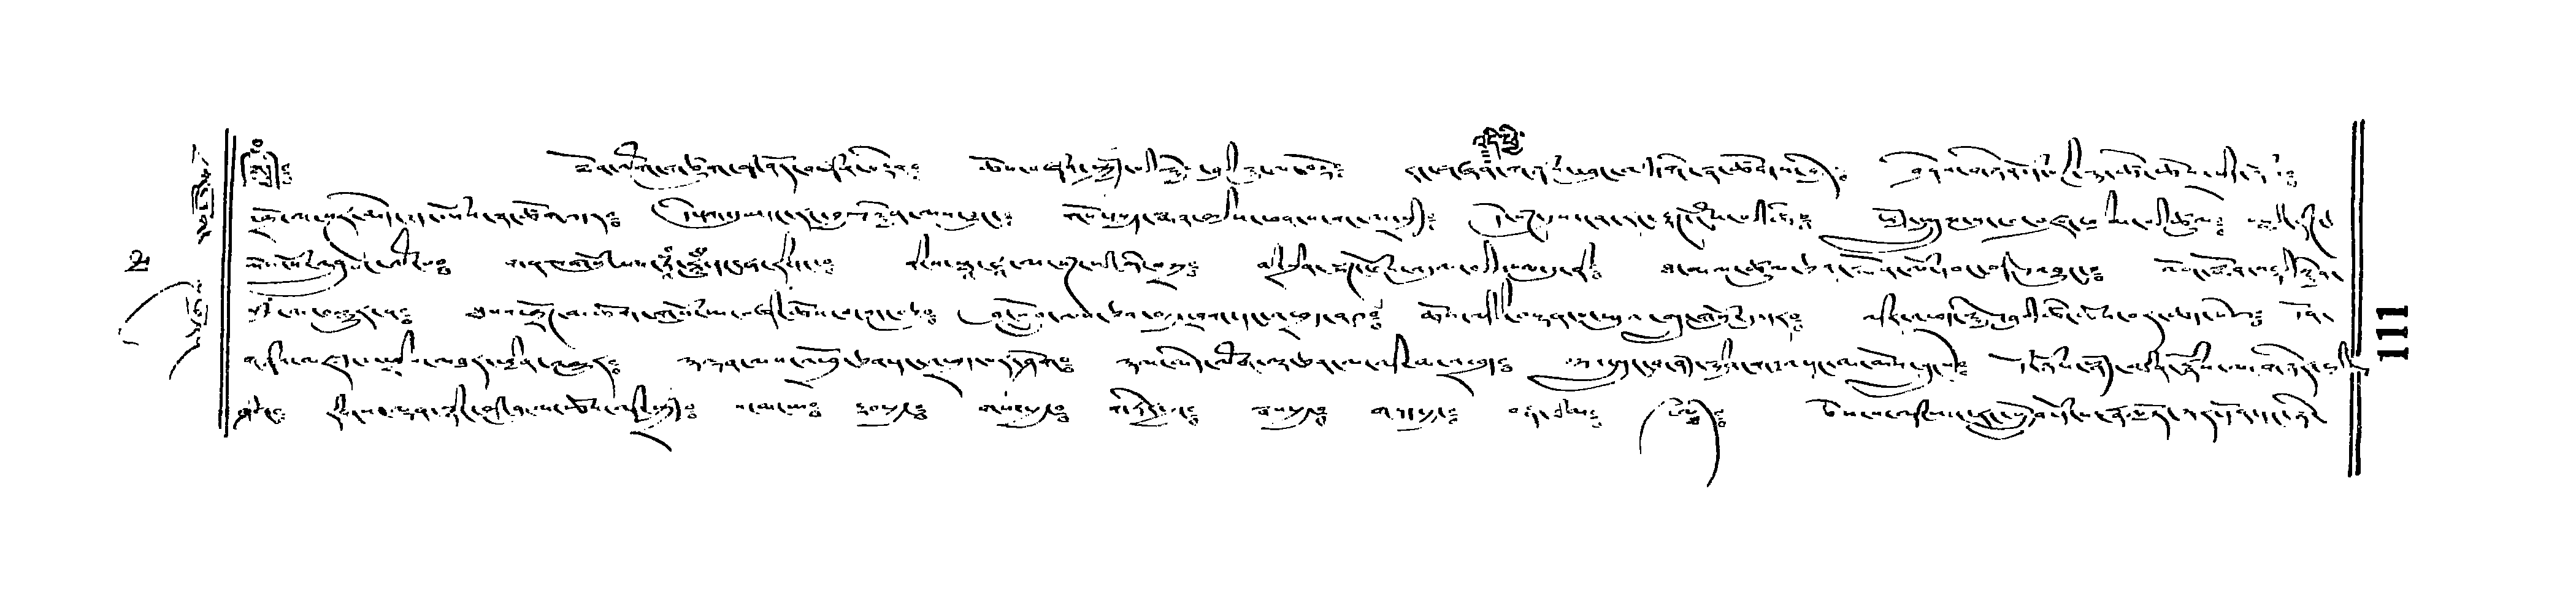སྨོན་ལོག་གཅུག་གི་ནོར་བཞིན་བརྟེན༔ ཆོས་བཞིན་སྤྱོད་པའི་སྐྱེས་བུའི་སྐུ་ལ་བསྡོ༔ རང་གཞན་གཉིས་ཕུང་མི་དགེ་སྣ་ཚོགས་བྱེད༔ བཤེས་གཉེན་དམ་པའི་སྐུ་ཚེ་ཆོས་སྲིད་ཉམས༔ 
འགྲོ་ལ་སྔར་མེད་ནད་ཡམས་སྣ་ཚོགས་དར༔ དེ་དག་དུལ་དང་རང་བྱས་རྐྱེན་ལས་བྱུང༔ གསོ་དཔྱད་སྨན་གྱིས་ཕན་པ་གང་ལ་སྲིད༔ དེ་སོགས་དུས་ངན་རང་རྟགས་ངོམས་པའི་ཚེ༔ ཁྱོད་སྤྲུལ་སུ་ཁ་བཛྲ་ཁྱིམ་བའི་ཚུལ༔ པདྨའི་རིགས་
ཅན་ཡོས་སམ་འགྲུབ་ལོངས༔ གནས་གསུམ་ཨ་ཏཱྃ་ཧཱུྃ་དང་ཧ་རི་དང༔ ནི་ས་སྭཱ་ཧཱ་ལ་སོགས་ཡི་གེ་བཀྲ༔མི་སྲིན་ལྕགས་ཁམས་འདུལ་བའི་དཔལ་དུ་ནི༔ ཐ་མལ་ཚུལ་ཅན་སྨོན་ལམ་དབང་གིས་འབྱུང༔ ལོག་སྨོན་ས་པྟའི་རྐྱེན་
གྱིས་མ་བསྒྱུར་ན༔ ཐབས་གྲོགས་མཆོག་གསུམ་ཡ་བཞི་ཆོས་བདག་བཅུ༔ བུ་སློབ་ལས་ཅན་བརྒྱ་ཕྲག་དང་འཕྲད་ནས༔ ཆོས་འདིའི་བསྟན་པ་ཡུལ་གྲུ་གསུམ་དུ་དར༔ འདིར་འཕྲད་སྐྱེས་བུའི་ཚེ་ཆོས་བར་ཆད་སེལ༔ དོན་
གཉིས་མཛད་པ་ཕྲིན་ལས་མཐར་ཕྱིན་འགྱུར༔ སྐལ་ལྡན་ལས་འཕྲོ་ཅན་དང་འཕྲད་པར་ཤོག༔ སྐལ་མེད་ལོག་ལྟ་ཅན་ལ་འདི་མ་འཕྲད༔ བཀའ་སྲུང་གནོད་སྦྱིན་གཟའ་དང་མ་མོས་སྲུངས༔ དམ་ཉམས་སྣོད་མིན་རྣམས་ལ་གཉེར་གྱིས་
ཤིག༔ རིགས་ལྡན་སྙིང་གི་བུ་ལ་ཆོས་འདི་སྤྲོད༔ ས་མ་ཡ༔ ཟབ་རྒྱ༔ གསང་རྒྱ༔ གཏེར་རྒྱ༔ སྦས་རྒྱ༔ གཏད་རྒྱ༔ བརྡ་ཐིམ༔ ༔ ཅེས་པ་འདི་ཡང་རང་སློབ་དམ་པ་རྣལ་འབྱོར་ཀར་དོན་དང་ཉེ་